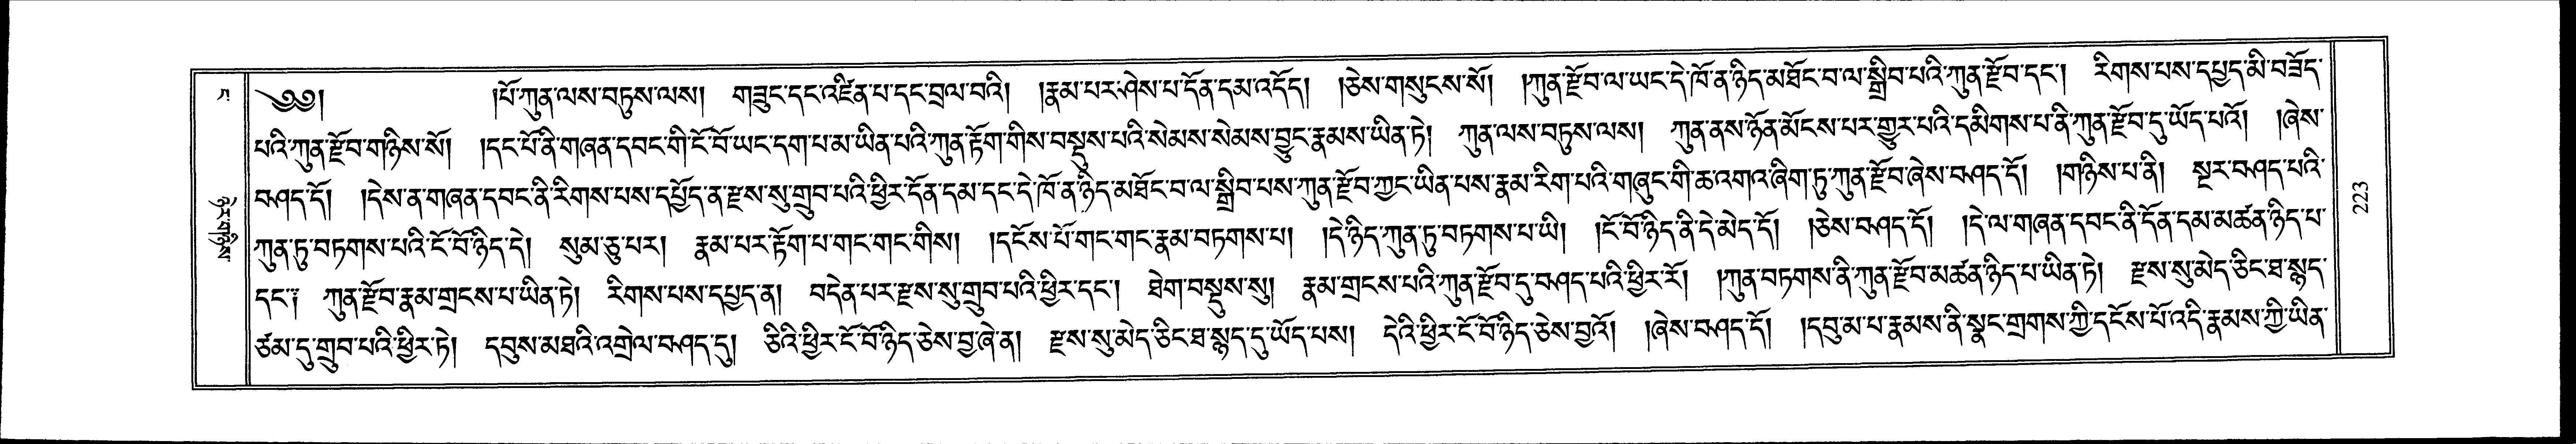༄༅། །པོ་ཀུན་ལས་བཏུས་ལས། གཟུང་དང་འཛིན་པ་དང་བྲལ་བའི། །རྣམ་པར་ཤེས་པ་དོན་དམ་འདོད། །ཅེས་གསུངས་སོ། །ཀུན་རྫོབ་ལ་ཡང་དེ་ཁོ་ན་ཉིད་མཐོང་བ་ལ་སྒྲིབ་པའི་ཀུན་རྫོབ་དང་། རིགས་པས་དཔྱད་མི་བཟོད་
པའི་ཀུན་རྫོབ་གཉིས་སོ། །དང་པོ་ནི་གཞན་དབང་གི་ངོ་བོ་ཡང་དག་པ་མ་ཡིན་པའི་ཀུན་རྟོག་གིས་བསྡུས་པའི་སེམས་སེམས་བྱུང་རྣམས་ཡིན་ཏེ། ཀུན་ལས་བཏུས་ལས། ཀུན་ནས་ཉོན་མོངས་པར་གྱུར་པའི་དམིགས་པ་ནི་ཀུན་རྫོབ་དུ་ཡོད་པའོ། །ཞེས་
བཤད་དོ། །དེས་ན་གཞན་དབང་ནི་རིགས་པས་དཔྱོད་ན་རྫས་སུ་གྲུབ་པའི་ཕྱིར་དོན་དམ་དང་དེ་ཁོ་ན་ཉིད་མཐོང་བ་ལ་སྒྲིབ་པས་ཀུན་རྫོབ་ཀྱང་ཡིན་པས་རྣམ་རིག་པའི་གཞུང་གི་ཆ་འགའ་ཞིག་ཏུ་ཀུན་རྫོབ་ཞེས་བཤད་དོ། །གཉིས་པ་ནི། སྔར་བཤད་པའི་
ཀུན་ཏུ་བཏགས་པའི་ངོ་བོ་ཉིད་དེ། སུམ་ཅུ་པར། རྣམ་པར་རྟོག་པ་གང་གང་གིས། །དངོས་པོ་གང་གང་རྣམ་བཏགས་པ། །དེ་ཉིད་ཀུན་ཏུ་བཏགས་པ་ཡི། །ངོ་བོ་ཉིད་ནི་དེ་མེད་དོ། །ཅེས་བཤད་དོ། དེ་ལ་གཞན་དབང་ནི་དོན་དམ་མཚན་ཉིད་པ་
དང་། ཀུན་རྫོབ་རྣམ་གྲངས་པ་ཡིན་ཏེ། རིགས་པས་དཔྱད་ན། བདེན་པར་རྫས་སུ་གྲུབ་པའི་ཕྱིར་དང་། ཐེག་བསྡུས་སུ། རྣམ་གྲངས་པའི་ཀུན་རྫོབ་དུ་བཤད་པའི་ཕྱིར་རོ། །ཀུན་བཏགས་ནི་ཀུན་རྫོབ་མཚན་ཉིད་པ་ཡིན་ཏེ། རྫས་སུ་མེད་ཅིང་ཐ་སྙད་
ཙམ་དུ་གྲུབ་པའི་ཕྱིར་ཏེ། དབུས་མཐའི་འགྲེལ་བཤད་དུ། ཅིའི་ཕྱིར་ངོ་བོ་ཉིད་ཅེས་བྱ་ཞེ་ན། རྫས་སུ་མེད་ཅིང་ཐ་སྙད་དུ་ཡོད་པས། དེའི་ཕྱིར་ངོ་བོ་ཉིད་ཅེས་བྱའོ། །ཞེས་བཤད་དོ། །དབུ་མ་པ་རྣམས་ནི་སྣང་གྲགས་ཀྱི་དངོས་པོ་འདི་རྣམས་ཀྱི་ཡིན་